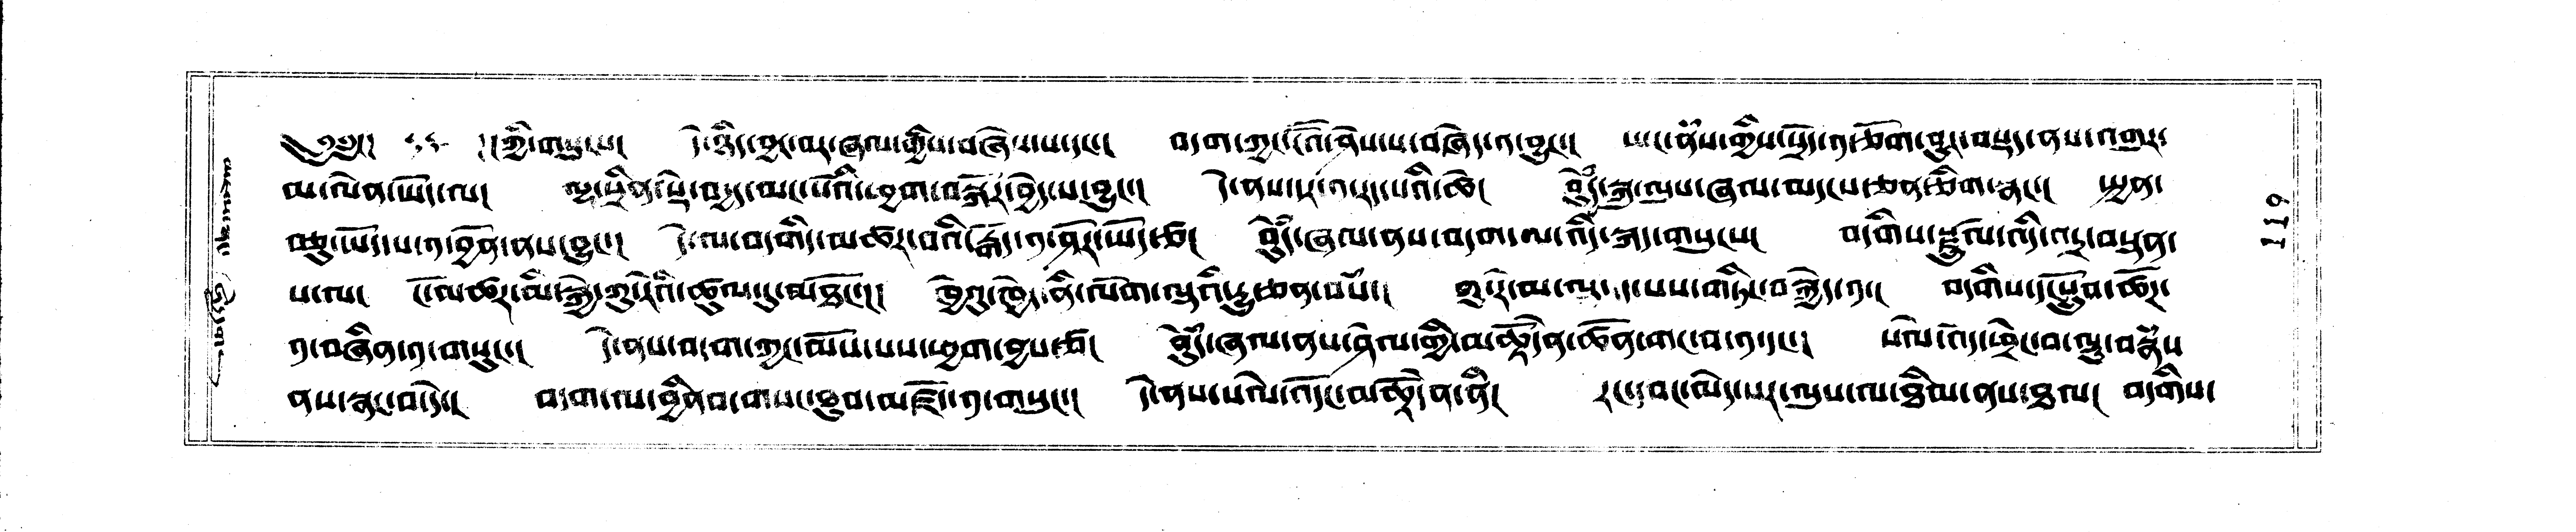ཀྱིས་གསུངས། དེ་ཉིད་བྱང་བར་ཞལ་གྱིས་བཞེས་པ་དང་། བདག་ཀྱང་ངོ་བོ་ཤེས་པ་བཞེད་གཅིག་བྱུང་། ཡང་ནམ་གྱི་སྲོད་གཅིག་ཅོག་བུར་བསྡད་ནས་འགུར་མ་
ལེན་ཡོད་ལ། ལྷ་སྲིན་སྡེ་བརྒྱད་མང་པོའི་ཕྱག་བསྐོར་བྱེད་པ་བྱུང་། དེ་ནས་དར་གཅིག་རད་པའི་ཚེ། བུད་མེད་སྐུ་ལུས་ཞལ་མདངས་ཅན་ཅིག་སྣང་། སྤྱན་
བཅུ་ཡོད་པ་གཅིག་བྱོན་ནས་བྱུང་། དེ་ལ་བདག་ཉིད་མཚར་བའི་རྒོད་གཅིག་ཤོར་ཡོད་ཙ། བུད་མེད་ཞལ་ནས་བདག་ལ་འདི་སྐད་གསུངས། བདག་གིས་རྫུ་འཕྲུལ་འདི་འདྲ་བསྟན་
པ་ལ། ངོ་མཚར་མི་སྐྱེ་ཀུ་རེའི་ཚུལ་དུ་མཐོང་། ཁྱེའུ་ཁྱེད་ནི་ལོག་ལྟའི་རྒྱུ་ཅན་བསམ། གུ་རེ་མ་ལྟད་པས་གཏིང་བསྐྱེད་གཅིག བདག་གིས་དངོས་གྲུབ་ཚོགས་
བཞིན་གཅིག་གསུང་། དེ་ནས་བདག་ཀྱང་མོས་པས་ཕྱག་བྱས་ཙ། བུད་མེད་ཞལ་ནས་ཤེལ་གྱི་མཆོད་རྟེན་ཚོན་གང་བ་གཅིག་དང་། སལེ་འོད་ཕྲེང་བ་ལྟ་བུ་བསྣམས་
ནས་སྣང་བ་དེ། བདག་ལ་བྱིན་རླབས་གསང་ཐུབ་མཛོད་གཅིག་གསུང་། དེ་ནས་སལེ་འོད་དང་མཆོད་རྟེན་ནི། རང་དབང་མེད་པར་ལུས་ལ་ཐིམ་ནས་ཐལ། བདག་གིས་